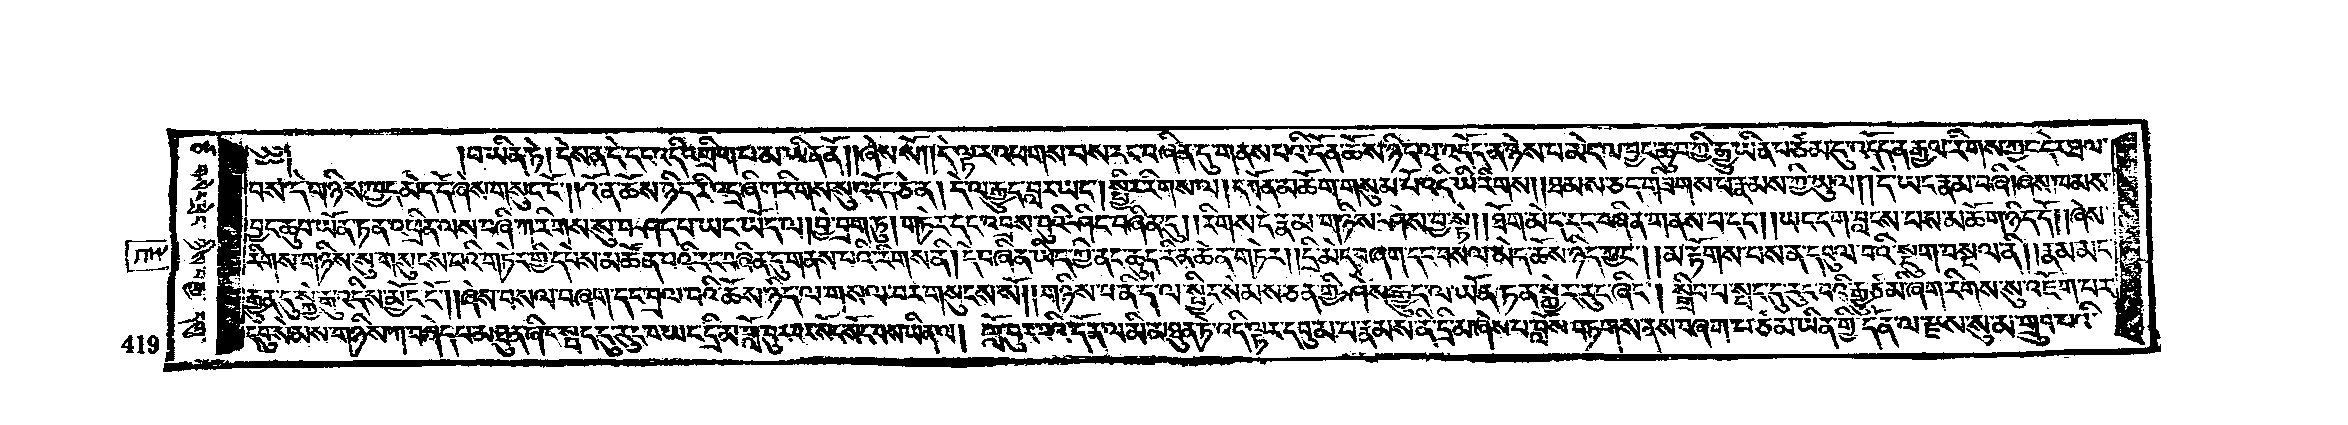༄༅། །པ་ཡིན་ཏེ། དེས་ན་དེ་དང་འདི་འགྲིག་པ་མ་ཡིན་ནོ། །ཞེས་སོ། །དེ་ལྟར་འཕགས་པས་རང་བཞིན་དུ་གནས་པའི་དོན་ཆོས་ཉིད་ལ་འདོད་ན་ཉེས་པ་མེད་ལ་བྱང་ཆུབ་ཀྱི་རྒྱུ་ཡིན་པ་ཙམ་དུ་འདོད་ན་རྒྱལ་རིགས་ཀྱང་དེར་ཐལ་
བས་དེ་གཉིས་ཁྱད་མེད་དོ་ཞེས་གསུང་ངོ། །འོ་ན་ཆོས་ཉིད་དེ་འདྲ་ཞིག་རིགས་སུ་འདོད་ཅེ་ན། དེ་ལ་རྒྱུད་བླར་ཡང་། སྤྱིར་རིགས་ལ། དཀོན་མཆོག་གསུམ་པོ་འདི་ཡི་རིགས། །ཐམས་ཅད་གཟིགས་པ་རྣམས་ཀྱི་ཡུལ། །དེ་ཡང་རྣམ་བཞི། ཞེས་ཁམས་
བྱང་ཆུབ་ཡོན་ཏན་འཕྲིན་ལས་བཞི་ཀ་རིགས་སུ་བཤད་པ་ཡང་ཡོད་ལ། བྱེ་བྲག་ཏུ། གཏེར་དང་འབྲས་བུའི་ཤིང་བཞིན་དུ། །རིགས་དེ་རྣམ་གཉིས་ཤེས་བྱ་སྟེ། །ཐོག་མེད་རང་བཞིན་གནས་པ་དང་། །ཡང་དག་བླངས་པས་མཆོག་ཉིད་དོ། །ཞེས་
རིགས་གཉིས་སུ་གསུངས་པའི་གཏེར་གྱི་དཔེས་མཚོན་པའི་རང་བཞིན་དུ་གནས་པའི་རིགས་ནི། དེ་བཞིན་ཡིད་ཀྱི་ནང་ཆུད་རིན་ཆེན་གཏེར། །དྲི་མེད་བཞག་དང་བསལ་མེད་ཆོས་ཉིད་ཀྱང་། །མ་རྟོགས་པས་ན་དབུལ་བའི་སྡུག་བསྔལ་ནི། །རྣམ་མང་
རྒྱུན་དུ་སྐྱེ་རྒུ་འདིས་མྱོང་ངོ། །ཞེས་བསལ་བཞག་དང་བྲལ་བའི་ཆོས་ཉིད་ལ་གསལ་བར་གསུངས་སོ། །གཉིས་པ་ནི་དེ་ལ་སྤྱིར་སེམས་ཅན་གྱི་ཤེས་རྒྱུད་ལ་ཡོན་ཏན་སྐྱེར་རུང་ཞིང་། སྒྲིབ་པ་སྤང་དུ་རུང་བའི་རྒྱུ་ཙམ་ཞིག་རིགས་སུ་འཇོག་པར་
དབུ་སེམས་གཉིས་ཀ་བཞེད་པ་མཐུན་ཞིང་སྤང་དུ་རུང་བ་ཡང་དྲི་མ་གློ་བུར་བར་སོང་སོང་བས་ཡིན་ལ། གློ་བུར་བའི་དོན་ལ་མི་མཐུན་ཏེ་འདི་ལྟར་དབུ་མ་པ་རྣམས་ནི་དྲི་མ་ཞེས་པ་བློས་བཏགས་ནས་བཞག་པ་ཙམ་ཡིན་གྱི་དོན་ལ་རྫས་སུ་མ་གྲུབ་པའི་